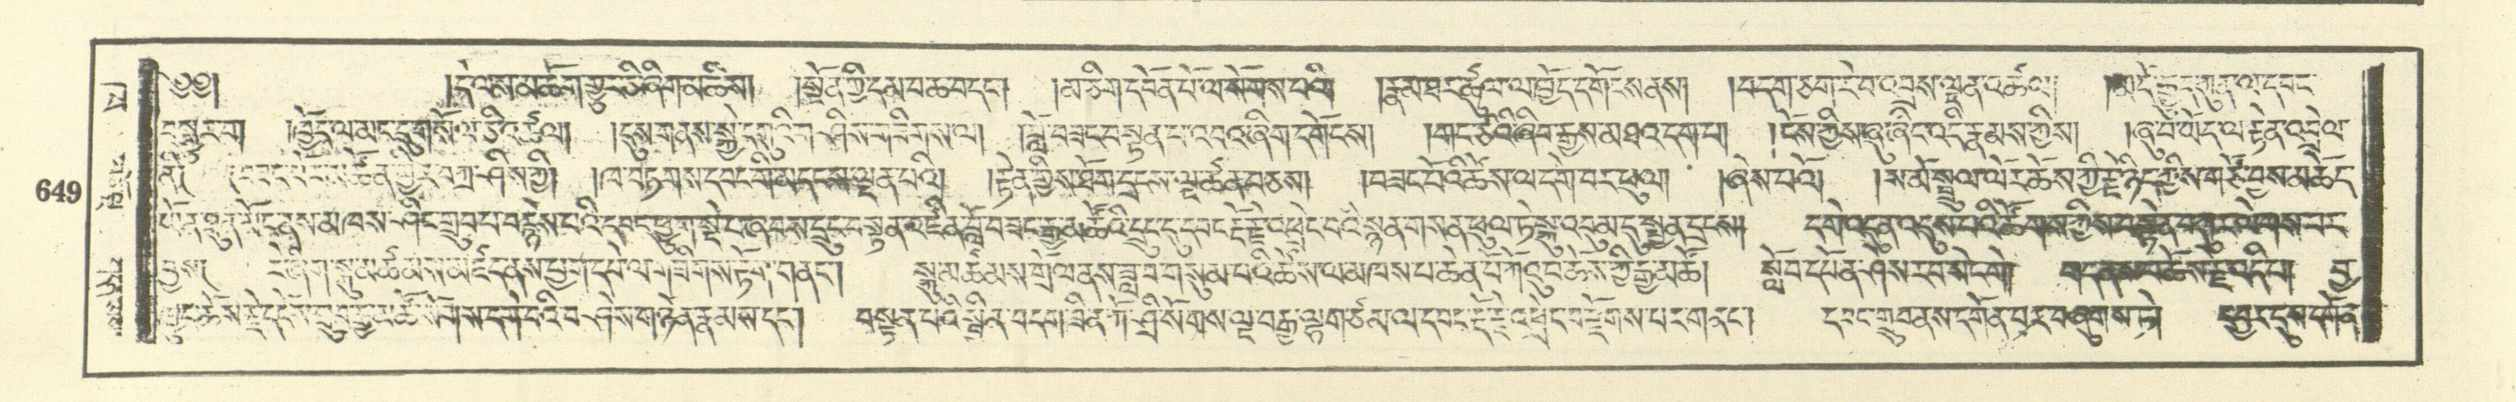༄༅། །དེ་ལས་མཆོག་གྱུར་ཅི་ཞིག་མཆིས། །སྔོན་གྱི་དམ་པ་ཆ་བ་དང་། །མ་ཅིག་དབོན་པོ་ལ་སོགས་པའི། །རྣམ་ཐར་ཚུལ་ལ་ཁྱོད་དགོངས་ནས། །བདག་ཅག་རེ་བ་འབྲས་ལྡན་འཚལ། །མདོ་རྒྱུད་ཀུན་ལ་དབང་
བསྒྱུར་བ། །ཁྱོད་ལ་མང་དུ་གསོལ་ཅི་འཚལ། །དུས་གནས་སྐྱེ་དགུའི་གཤིས་གཟིགས་ལ། །བློ་བཟང་བསྟན་པ་འབའ་ཞིག་དགོངས། །གང་ཅིའི་ཞིབ་རྒྱས་མཐའ་དག་པ། །ངོས་ཀྱིས་ཞུ་ཞིང་འདི་རྣམས་ཀྱིས། །ཞུ་བ་ཡོད་ལ་རྟེན་འབྲེལ་
ནི༑ ༑བཟང་པོར་མཚོན་ཕྱིར་བཀྲ་ཤིས་ཀྱི། །ཁ་བཏགས་དབང་གི་མདངས་ལྡན་པའི། །རྟེན་གྱིས་ཐོག་དྲངས་ལྔ་ཚན་བཅས། །བཟང་པོའི་ཚེས་ལ་དགེ་བར་ཕུལ། །ཞེས་པའོ། །ས་མོ་སྦྲུལ་ལོར་ཆོས་ཀྱི་རྗེ་ཉིད་ཀྱིས་གཙོ་བྱས་མཆོད་
ཡོན་ཐུན་མོང་ནས་མཁས་ཤིང་གྲུབ་པ་བརྙེས་པའི་དབང་ཕྱུག་སྡེ་པ་ཞབས་དྲུང་བསྟན་འཛིན་བློ་བཟང་རྒྱ་མཚོའི་དྲུང་དུ་དབང་རྡོ་རྗེ་འཕྲེང་བའི་སྙན་གསན་ཕུལ་ཏེ་སྐུ་འབུམ་དུ་སྤྱན་དྲངས། དགེ་འདུན་འདུས་པའི་ཚོགས་ཀྱིས་བསྙེན་བཀུར་ལེགས་པར་
བྱས༑ རེ་ཞིག་སྐུ་མཚམས་མཛད་ནས་ཕྱག་དཔེ་ལ་གཟིགས་རྟོག་གནང་། སྐུ་མཚམས་གྲོལ་ནས་ཟླ་བ་གསུམ་པའི་ཚེས་ལ་མཁས་པ་ཆེན་པོ་ཀོའུ་བ་ཆོས་ཀྱི་རྒྱ་མཚོ། སློབ་དཔོན་ཤེས་རབ་སེང་གེ། གདན་ས་པ་ཆོས་རྗེ་འདི་པ། བྱ་
ཁྱུང་ཆོས་རྗེ་དངོས་གྲུབ་རྒྱ་མཚོ་སོགས་དགེ་བའི་བཤེས་གཉེན་རྣམས་དང་། བསྟན་པའི་སྦྱིན་བདག་ཟིན་ཀོ་ཤྲི་སོགས་ལྔ་བརྒྱ་ལྷག་ཙམ་ལ་དབང་རྡོ་རྗེ་འཕྲེང་བ་རྫོགས་པར་གནང་། དབང་གྲུབ་ནས་དགོན་པར་བཞུགས་ཏེ། དབྱར་དུས་དགོན་